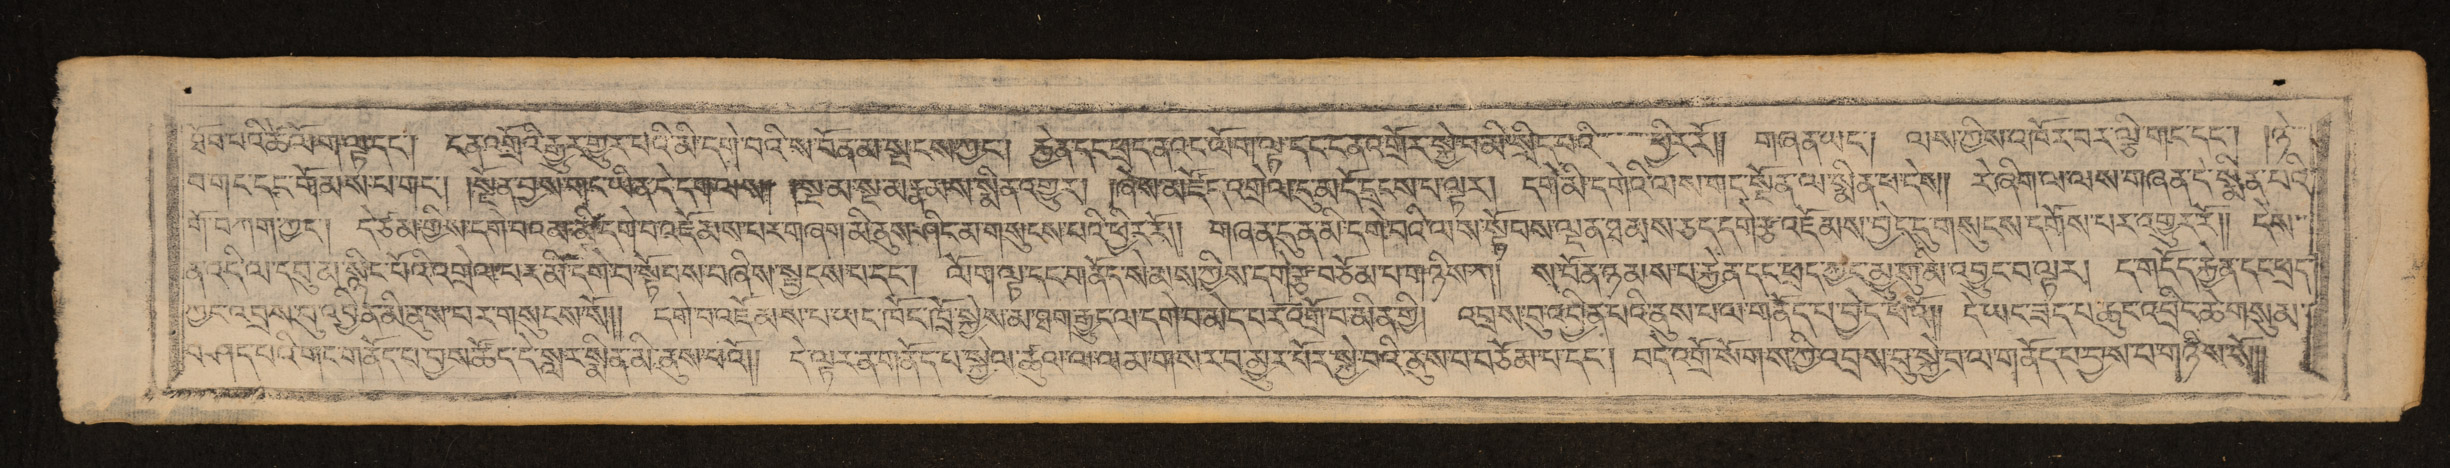ཐོབ་པའི་ཚེ་ལོག་ལྟ་དང་། ངན་འགྲོའི་རྒྱུར་གྱུར་པའི་མི་དགེ་བའི་ས་བོན་མ་སྤངས་ཀྱང་། རྐྱེན་དང་ཕྲད་ནའང་ལོག་ལྟ་དང་ངན་འགྲོར་སྐྱེ་བ་མི་སྲིད་པའི་ཕྱིར་རོ།། གཞན་ཡང་། ལས་ཀྱིས་འཁོར་བར་ལྕི་གང་དང་། །ཉེ་
བ་གང་དང་གོམས་པ་གང་། །སྔོན་བྱས་གང་ཡིན་དེ་དག་ལས། །སྔ་མ་སྔ་མ་རྣམས་སྨིན་འགྱུར། །ཞེས་མཛོད་འགྲེལ་དུ་མདོ་དྲངས་པ་ལྟར། དགེ་མི་དགེའི་ལས་གང་སྔོན་ལ་སྨིན་པ་དེས། རེ་ཞིག་ལ་ལས་གཞན་དེ་སྨིན་པའི་
གོ་བཀག་ཀྱང་། དེ་ཙམ་གྱིས་དགེ་བའམ་མི་དགེ་པ་འཇོམས་པར་གཞག་མི་ནུས་ཤིང་མ་གསུངས་པའི་ཕྱིར་རོ།། གཞན་དུ་ན་མི་དགེ་བའི་ལས་སྟོབས་ལྡན་ཐམས་ཅད་དགེ་རྩ་འཇོམས་བྱེད་དུ་གསུང་དགོས་པར་འགྱུར་རོ།། དེས་
ན་འདི་ལ་དབུ་མ་སྙིང་པོའི་འགྲེལ་པར་མི་དགེ་བ་སྟོབས་བཞིས་སྦྱངས་པ་དང་། ལོག་ལྟ་དང་གནོད་སེམས་ཀྱིས་དགེ་རྩ་བཅོམ་པ་གཉིས་ཀ། ས་བོན་ཉམས་པ་རྐྱེན་དང་ཕྲད་ཀྱང་མྱུ་གུ་མི་འབྱུང་བ་ལྟར། ད་གདོད་རྐྱེན་དང་ཕྲད་
ཀྱང་འབྲས་བུ་འབྱིན་མི་ནུས་པར་གསུངས་སོ།། དགེ་བ་འཇོམས་པ་ཡང་ཁོང་ཁྲོ་སྐྱེས་མ་ཐག་རྒྱུད་ལ་དགེ་བ་མེད་པར་འགྲོ་བ་མིན་གྱི། འབྲས་བུ་འབྱིན་པའི་ནུས་པ་ལ་གནོད་པ་བྱེད་པའོ།། དེ་ཡང་ཟད་པ་ཆུང་འབྲིང་ཆེ་གསུམ་
བཤད་པའི་གང་གནོད་པ་བྱས་ཚོད་དེ་སླར་སྨིན་མི་ནུས་པའོ།། དེ་ལྟར་ན་གནོད་པ་སྐྱེལ་ཚུལ་ལ་ལམ་གསར་པ་མྱུར་པོར་སྐྱེ་བའི་ནུས་པ་བཅོམ་པ་དང་། བདེ་འགྲོ་སོགས་ཀྱི་འབྲས་བུ་སྐྱེ་བ་ལ་གནོད་པ་བྱས་པ་གཉིས་སོ།།